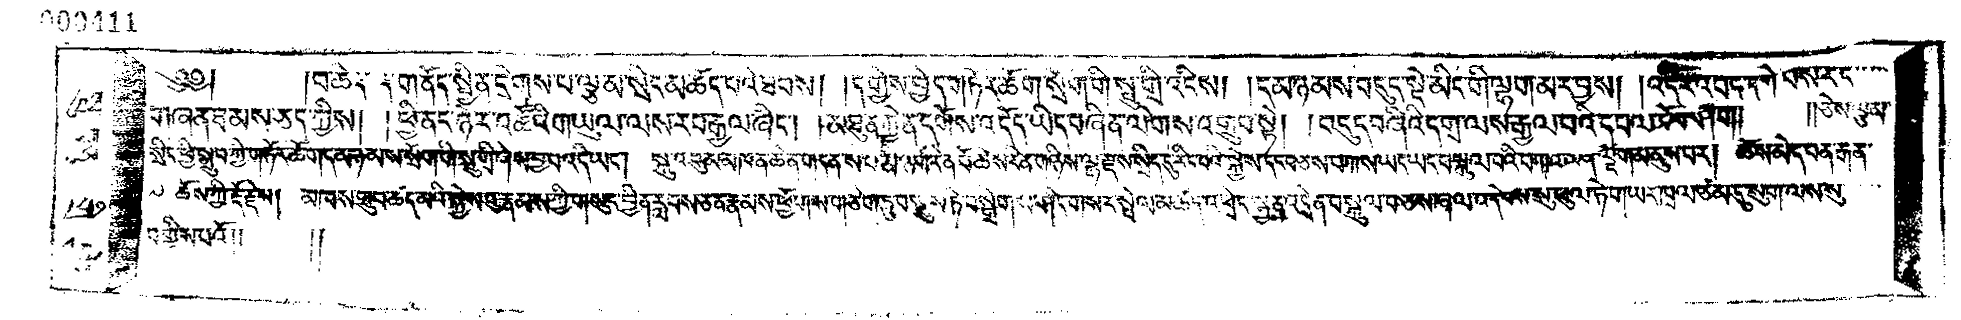༄༅། །བ་ཆེ། །གནོད་སྦྱིན་དྲེགས་པ་ལྕམ་སྲིང་མཆོད་པའི་ཐབས། །དགྱེས་བྱེད་གཏོར་ཆོག་སྲོག་གི་སྤུ་གྲི་འདིས། །དམ་ཉམས་བདུད་སྡེ་མིང་གི་ལྷག་མར་བྱས། །འདིར་འབད་དགེ་བས་རང་
གཞན་ཐམས་ཅད་ཀྱིས། །ཕྱི་ནང་ཉེར་འཚོའི་གཡུལ་ལས་རབ་རྒྱལ་ཞིང་། །མཐུན་རྐྱེན་དགོས་འདོད་ཡིད་བཞིན་ལེགས་འགྲུབ་སྟེ། །བདུད་བཞིའི་དགྲ་ལས་རྒྱལ་བའི་དཔལ་ཐོབ་ཤོག ། །།ཅེས་ལྕམ་
སྲིང་ཕྱི་སྒྲུབ་ཀྱི་གཏོར་ཆོག་དམ་ཉམས་སྲོག་གི་སྤུ་གྲི་ཞེས་བྱ་བ་འདི་ཡང་། སྐུ་འབུམ་མཁན་ཆེན་གདན་ས་པ་མི་ཉག་རིན་པོ་ཆེས་རིན་གཉིས་ལྷ་རྫས་སྲིད་དུ་རིང་བའི་སྐྱེས་དང་བཅས་བཀས་ཡང་ཡང་བསྐུལ་བའི་བཀའ་ལན་ལྡོག་མ་ནུས་པར། ཆོས་མེད་པན་རྒན་
༧ཆོས་ཀྱི་རྡོ་རྗེས། མཁས་གྲུབ་ཚད་མའི་སྐྱེས་བུ་རྣམས་ཀྱི་གསུང་བྱིན་རླབས་ཅན་རྣམས་ཕྱོགས་གཅིག་ཏུ་བསྡུས་ཏེ་བསྒྲིགས་ཤིང་གསར་སྤེལ་མཆོད་འཕྲེང་སྤྱན་འདྲེན་བསྐུལ་བཅས་ཞལ་འདེབས་སུ་ཕུལ་ཏེ་གཡར་ཁྲལ་ཙམ་དུ་སུག་ལས་སུ་
བགྱིས་པའོ།། །།